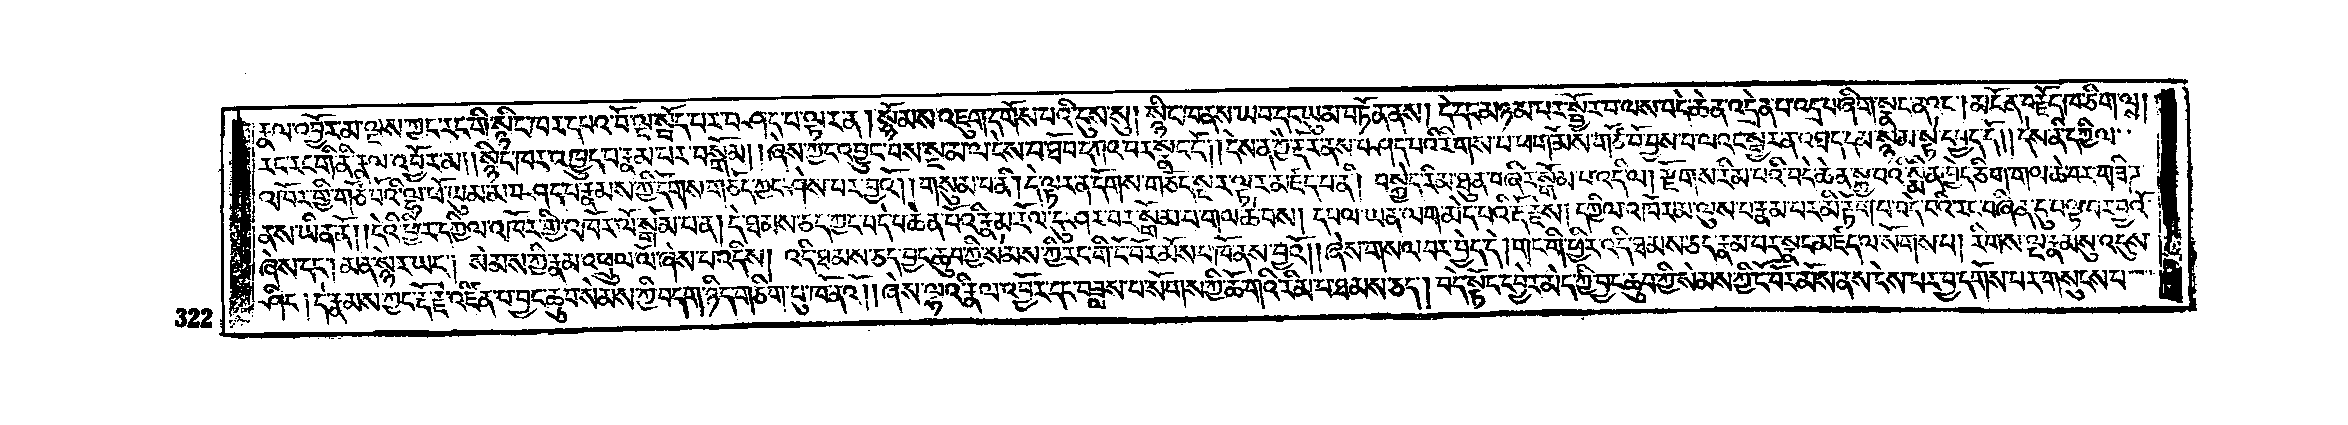རྣལ་འབྱོར་མ་ལྔས་ཀྱང་རང་གི་སྙིང་ཁར་དཔའ་བོ་ལྔ་སྦེད་པར་བཤད་པ་ལྟར་ན། སྙོམས་འཇུག་དགོས་པའི་དུས་སུ། སྙིང་ཁ་ནས་ཡབ་དང་ཡུམ་བཏོན་ནས། དེ་དང་མཉམ་པར་སྦྱོར་བ་ལས་བདེ་ཆེན་འདྲེན་པ་འདྲ་བ་ཞིག་སྣང་ནའང་། མངོན་བརྗོད་ཁ་ཅིག་ལས།
རང་རང་གི་ནི་རྣལ་འབྱོར་མ། །སྙིང་ཁར་འཁྱུད་པ་རྣམ་པར་བསྒོམ། །ཞེས་ཀྱང་འབྱུང་བས་སྔ་མ་ལ་ངེས་པ་ཐོབ་དཀའ་བར་སྣང་ངོ། །དེས་ན་ཀྱཻ་རྡོར་ནས་བཤད་པའི་རིགས་པ་ཕག་མོས་གཙོ་བོ་བྱས་པ་ལའང་སྦྱར་ན་འཐད་དམ་སྙམ་སྟེ་དཔྱད་དོ། །དེས་ནི་དཀྱིལ་
འཁོར་གྱི་གཙོ་བོའི་ལྷ་ཕོ་ཡུམ་མ་བཤད་པ་རྣམས་ཀྱི་དོགས་གཅོད་ཀྱང་ཤེས་པར་བྱའོ། །གསུམ་པ་ནི། དེ་ལྟར་ན་དོགས་གཅོད་སྔར་ལྟར་མཛད་པ་ནི། བསྐྱེད་རིམ་ཐུན་བཞིར་སྒོམ་པ་འདི་ལ། རྫོགས་རིམ་པའི་བདེ་ཆེན་སྐྱེ་བའི་སྨིན་བྱེད་ཅིག་གལ་ཆེ་བར་གཟིགས་
ནས་ཡིན་ནོ། །དེའི་ཕྱིར་དཀྱིལ་འཁོར་གྱི་འཁོར་ལོ་སྒོམ་པ་ན། དེ་ཐམས་ཅད་ཀྱང་བདེ་བ་ཆེན་པོའི་རྣམ་རོལ་དུ་ཤར་བར་སྒོམ་པ་གལ་ཆེ་བས། དཔལ་ཡན་ལག་མེད་པའི་རྡོ་རྗེས། དཀྱིལ་འཁོར་མ་ལུས་པ་རྣམ་པར་མི་རྟོག་པ་བདེ་བའི་རང་བཞིན་དུ་བལྟ་བར་བྱའོ་
ཞེས་དང་། མན་སྙེར་ཡང་། སེམས་ཀྱི་རྣམ་འཕྲུལ་ལོ་ཞེས་པ་འདིས། འདི་ཐམས་ཅད་བྱང་ཆུབ་ཀྱི་སེམས་ཀྱི་རང་གི་ངོ་བོར་མོས་པ་ཁོ་ནས་བྱའོ། །ཞེས་གསལ་བར་བྱེད་དེ། གང་གི་ཕྱིར་འདི་ཐམས་ཅད་རྣམ་པར་སྣང་མཛད་ལ་སོགས་པ། རིགས་ལྔ་རྣམས་སུ་འདུས་
ཤིང་། དེ་རྣམས་ཀྱང་རྡོ་རྗེ་འཛིན་པ་བྱང་ཆུབ་སེམས་ཀྱི་བདག་ཉིད་གཅིག་པུ་ཁོ་ནའོ། །ཞེས་ལྷའི་རྣལ་འབྱོར་དང་བཟླས་པ་སོགས་ཀྱི་ཆོ་གའི་རིམ་པ་ཐམས་ཅད། བདེ་སྟོང་དབྱེར་མེད་ཀྱི་བྱང་ཆུབ་ཀྱི་སེམས་ཀྱི་ངོ་བོར་མོས་ནས་ངེས་པར་བྱ་དགོས་པར་གསུངས་པ་